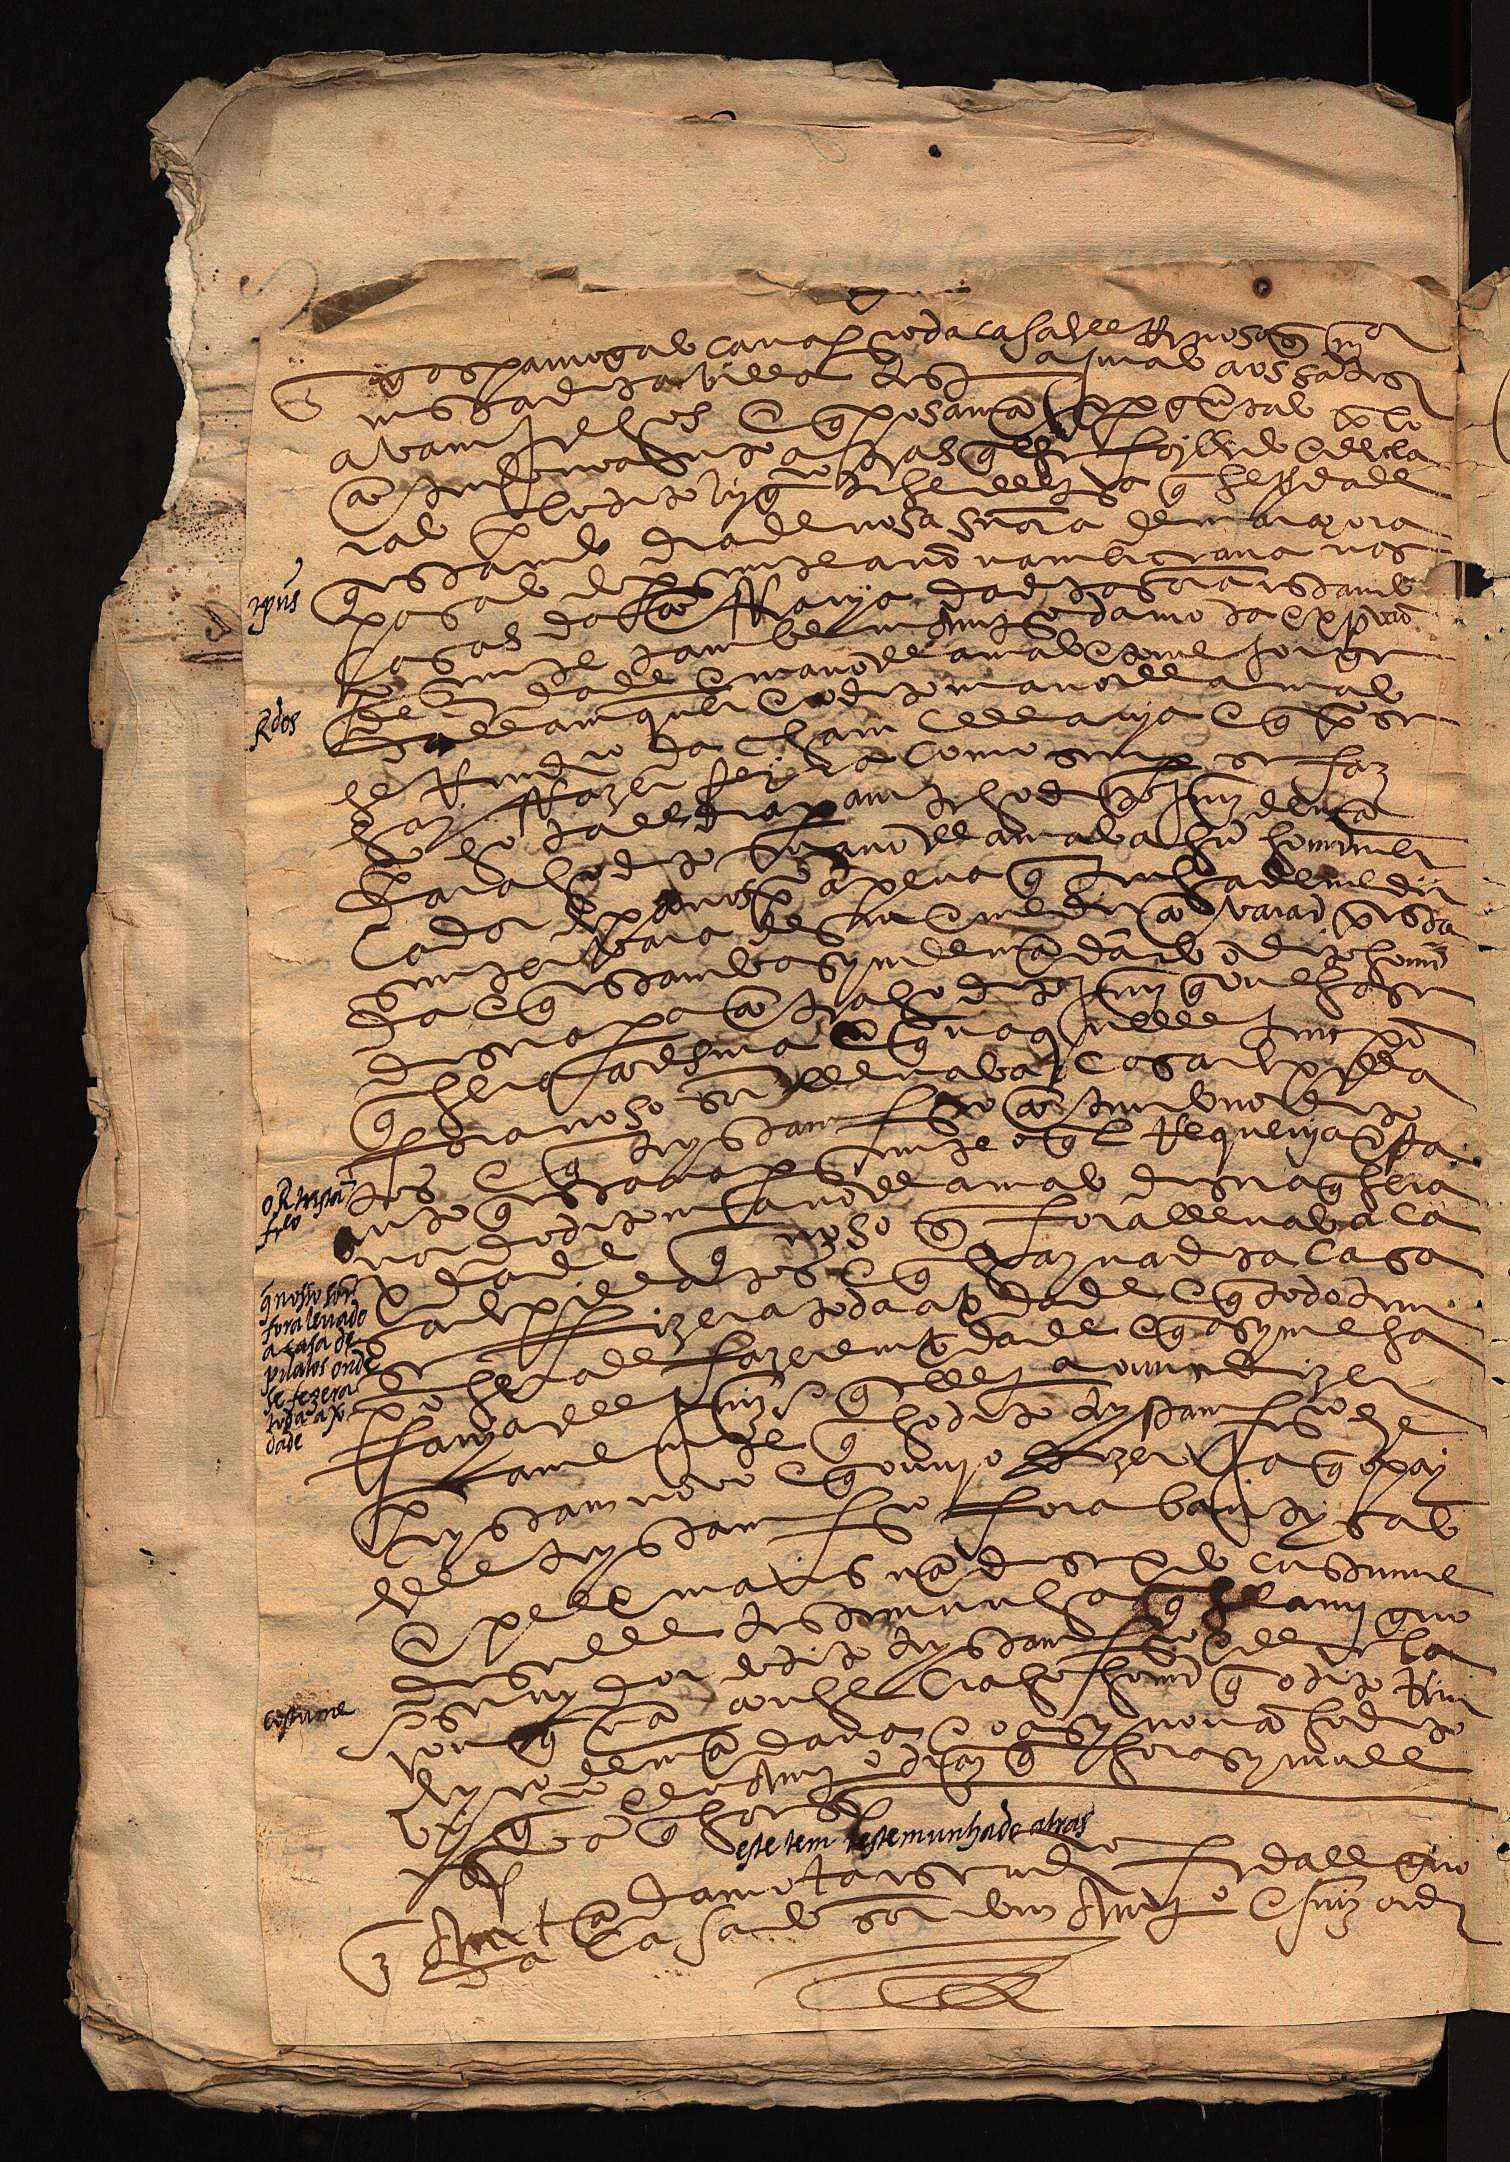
q̄ nosso sor̄
fora leuado
a casa de
pilatos onde
se fezera
toda a ꝟ
dade
item gaspar uogado cauaLro da casa dell Rei noso s̄r mor
nesta dita villa testa Jurado aos sātos
avamJelhos e q̄ pos a mā e ꝑgūtado p̄lo
c̄oteudo no auto atras q̄ lhe foj llido e decla
rado p̄lo dito vygro dise elle ta q̄ he ꝟdade
q̄ estando dia de nosa snōra de março ora
pasado do ꝑsemte anō na merceana nas
casas da cōffrarya da dita sōra estando
tpūs
ꝑsemte tambem Amto da mota e xpvaõ
de cjdade e manoell amado e tome Jorge
dallamquer e o dito manoell amado
he Rendro da chamcellarya e q̄ p̄o se
Rdos
haj ffazer fejra como semꝑ se faz
p̄o ho tall dia ꝑamte ho dito Juiz demā
dara ho dito manoell amado a hū homē mer
cador de panos p̄o a pena q̄ tinha de medir
sem ter vara de seu e medir c̄o vara ēp̄esta
da e q̄ estando asym demādādo o dito homē
disera ꝑa c̄otra ho dito Juiz q̄ oulhase
q̄ hera coresma e q̄ naquelle tempo
fora noso s̄or lleuado a casa de pilla
tos e q̄ trystam frco c̄oteudo no dito
auto q̄ estaua ꝑsemte o q̄l Requerya ē fa
uor do dito manoell amado disera q̄ hera
o R tristā
frco
ꝟdade q̄ noso s̄r fora lleuado a ca
sa de pillatos e q̄ haj na dita casa
se fizera toda a ꝟdade e q̄ todo tem
po hera de fazerem ꝟdade e q̄ asym lha
farya elle Juiz e q̄ elle ta ouuio dizer
p̄camemte q̄ ho dito trystam frco he
crystam novo e q̄ ouujo dizer Ja q̄ o pay
delle trystam frco fora bautysado
ē pee e mais nā dise e do custume
dise ele testemunha q̄ he amjguo
e seruydor do dito trystam frco e decla
rou q̄ nā conhecia ho homē q̄ o dito Rem
costume
deyro demādaua e o asynou cō ho dito
vygro e eu Anto diaz q̄ hora syruo de
esp̄vā q̄ ho esp̄
este tem testemunhado atras
item Amtā da mota escudro fidallguo
da Casa do sōr dom Amto e Juiz ordj
